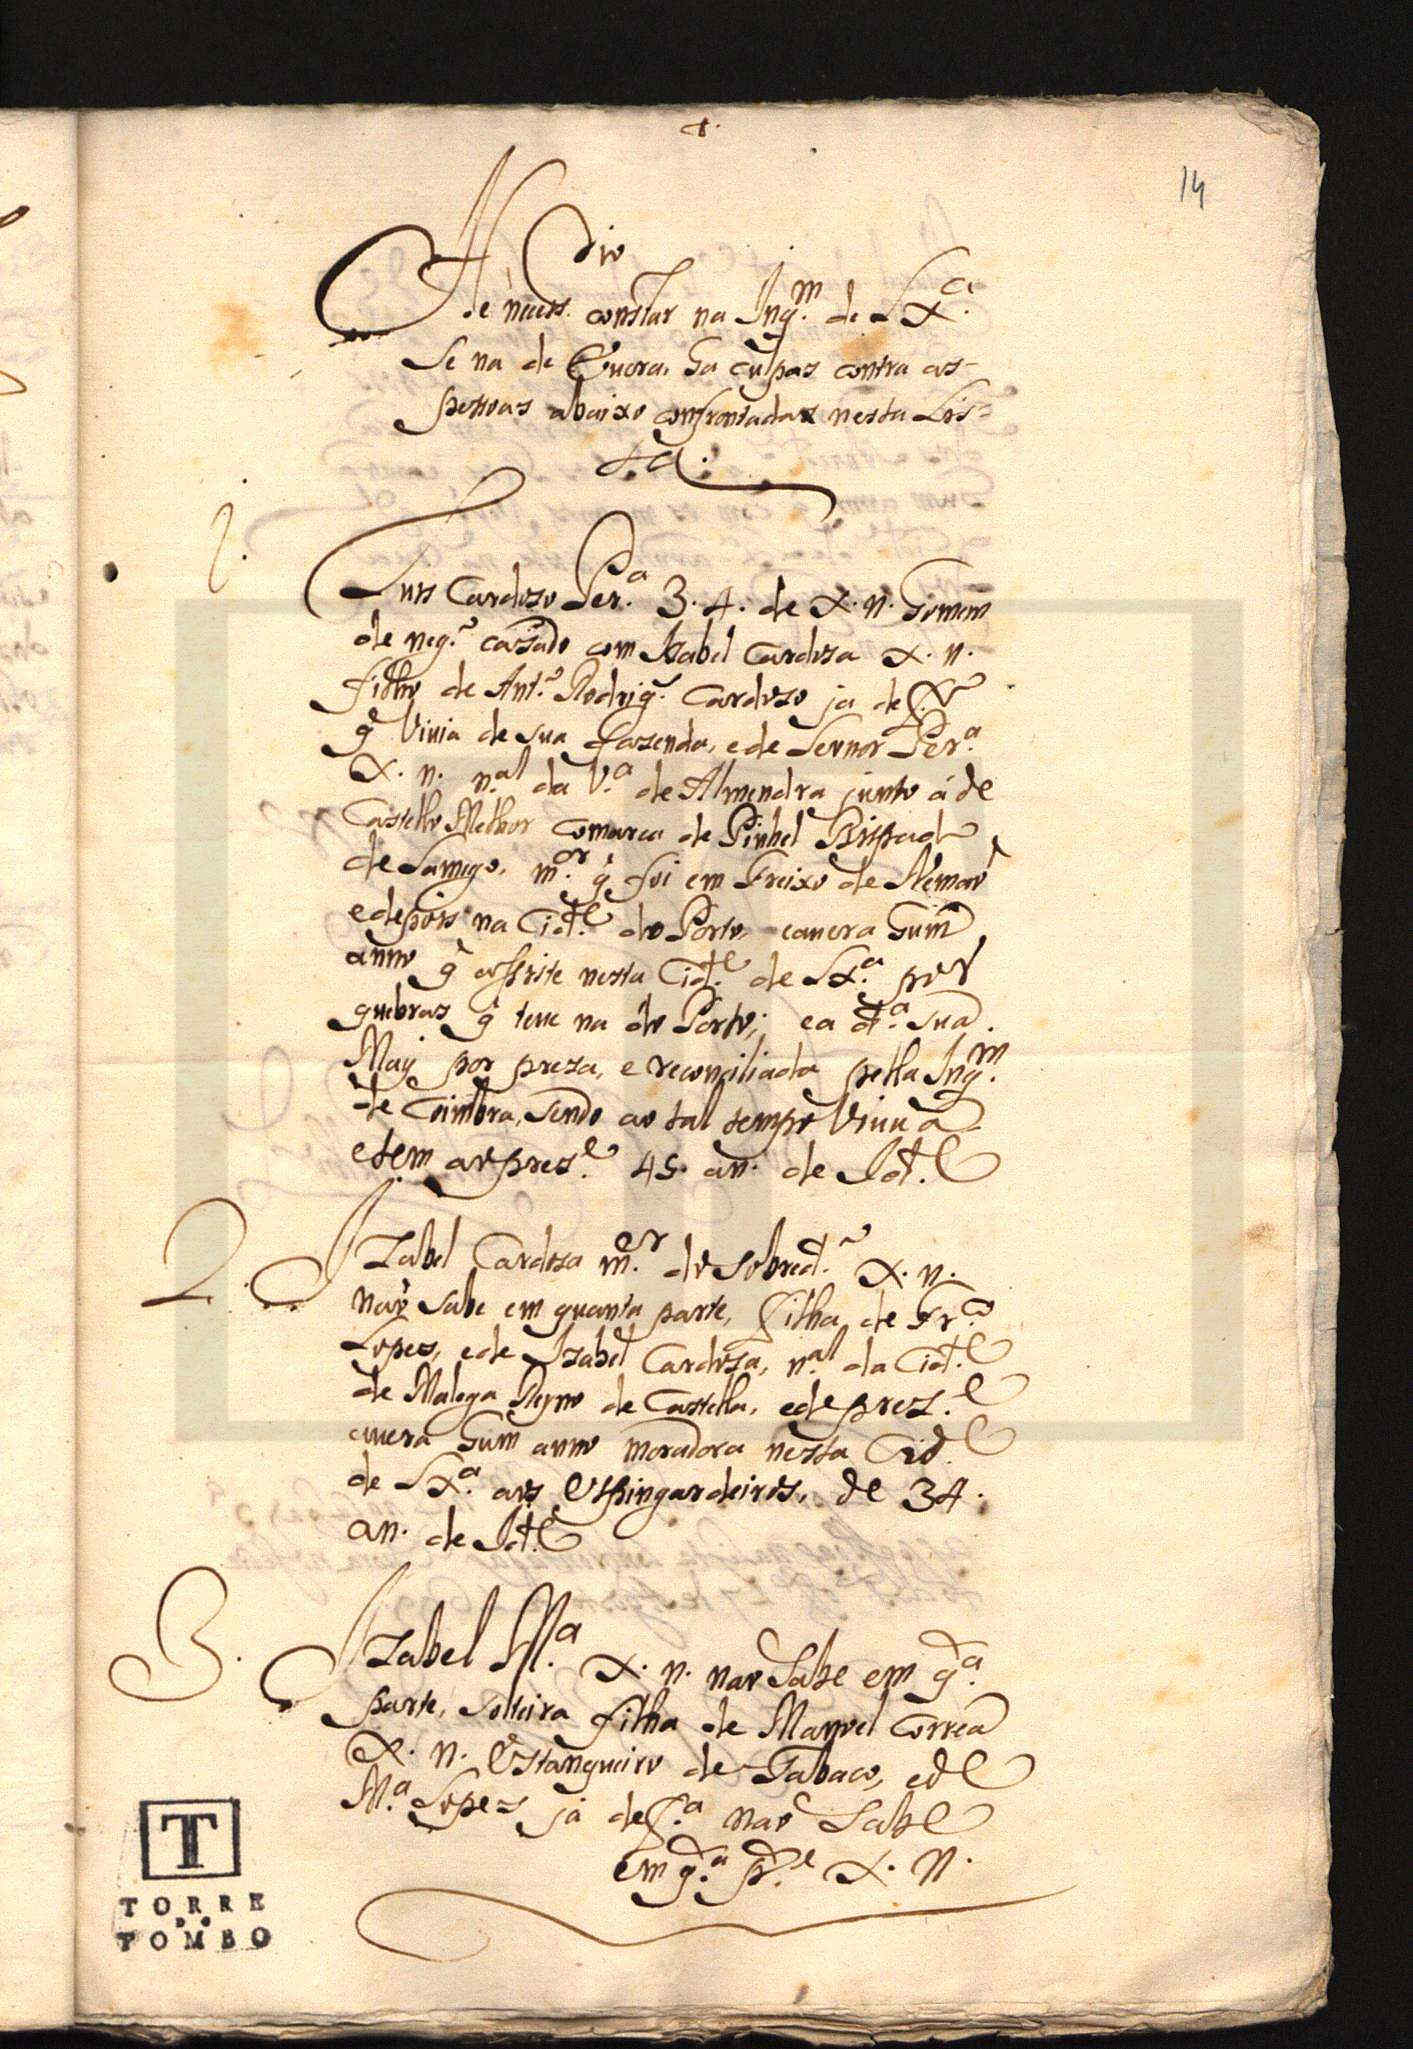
He necess.rio constar na Inq.m de Lxa.
se na de Euora ha culpas contra as
pessoas abaixo confrontadas nesta Lis
ta.
Luis Cardozo Per.a 3.4. de x. n. homem
de neg.o casado com Isabel Cardosa x. n.
filho de Ant.o Rodrig.o Cardozo ja def.o
q̄ Viuia de sua fazenda, e de Leonor Pera.
X. n. n.al da V.a de Almendra junto á de
Castello Melhor Comarca de Pinhel Bispado
de Lamego. m.or q̄ foi em Freixo de Nemaõ
e depois na Cid̄.e do Porto, e auera hum
anno q̄ assiste nesta Cid̄. de Lx.a por
quebras q̄ teue na do Porto; e a d̄.a sua
May por preza e reconciliada pella Inq.m
de Coimbra sendo ao tal tempo Viuua
e tem ao prez.e 45 an. de Id̄.e
Jzabel Cardosa m.er do sobred̄.o x. n.
naõ sabe em quanta parte, filha de Fr.co
Lopes, e de Izabel Cardosa, n.al da Cid̄.e
de Maloga Reyno de Castella, e de prez.e
auera hum anno moradora nesta Cid.e
de Lx.a aos espingardeiros, de 34.
an. de Id̄.e
Jzabel M.a x. n. naõ sabe em q̄ta.
parte, solteira filha de Manoel Correa
x. n. estanqueiro de Tabaco, e de
M.a Lopes ja def.a naõ sabe
em q.ta p.te x. n.
I.
2.
3.
